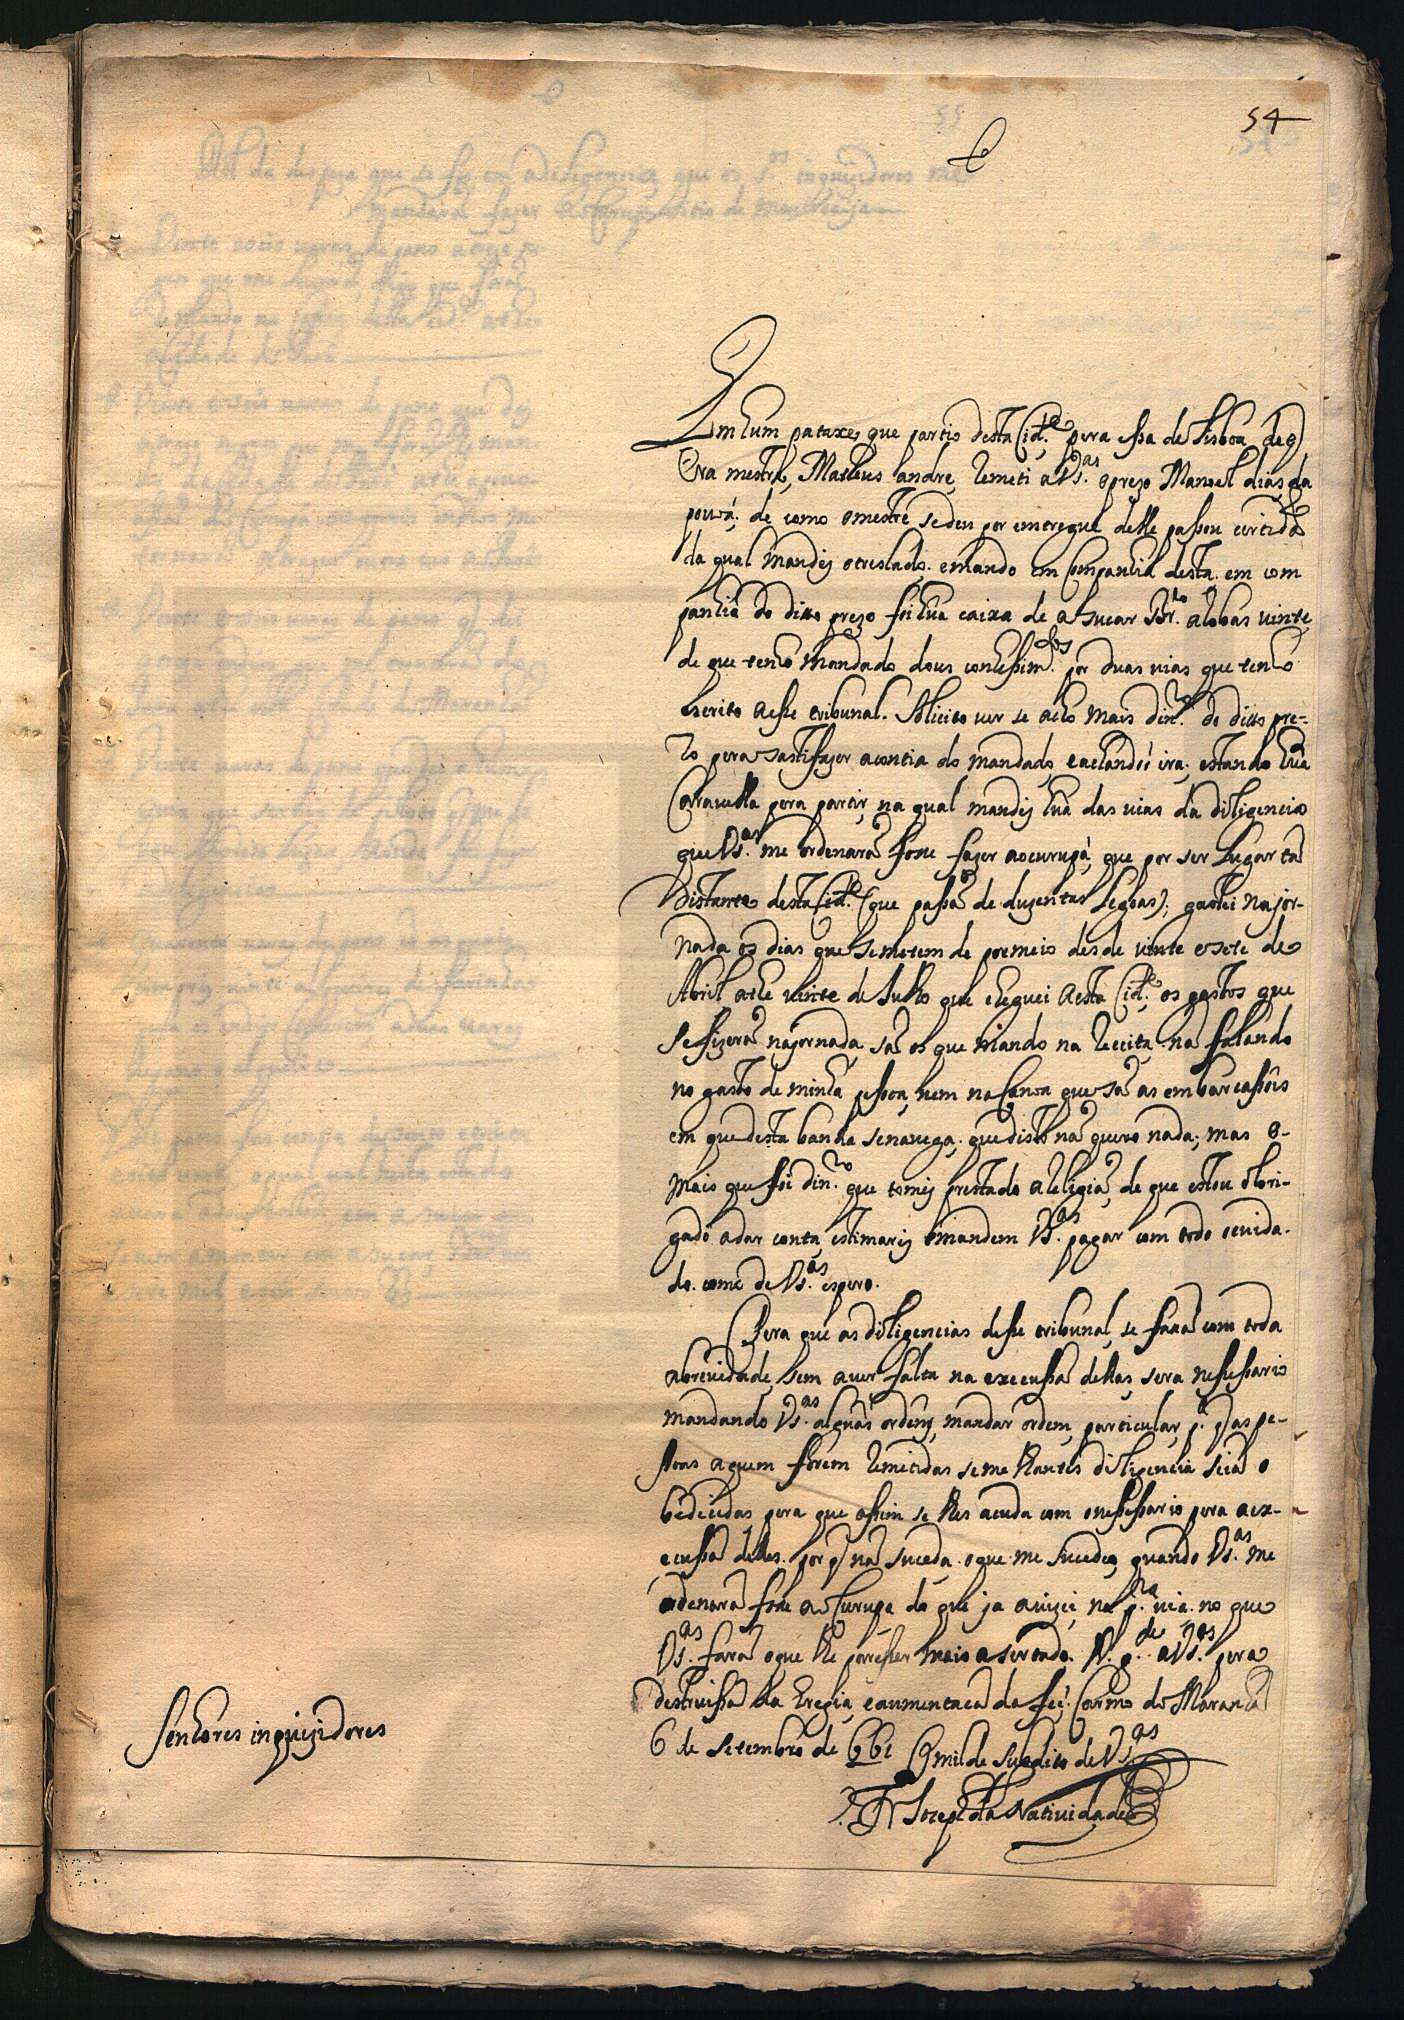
54
Em hum pataxe, que partio desta Cid.e, pera essa de Lisboa, de q̄
Era mestre, Matheus andre, Remeti a V s.as o prezo Manoel dias da
pouoa; de como o mestre se deu por emtregue delle passou certidaõ
da qual mandej o treslado; e mando em Companhia desta em com
panhia do ditto prezo foi hūa caixa de asucar Br.co aRobas uinte,
de que tenho mandado dous conhessim.tos por duas uias que tenho
escrito a esse tribunal. Solicito uer se acho mais din.ro do ditto pre
zo pera satisfazer a contia do mandado, e achandoo ira; estando hūa
Carauella pera partir, na qual mandej hūa das uias da deligencia
que Vs.as me ordenaraõ fosse fazer ao curupà, que por ser Lugar tā
distante desta Cid.e (que passa de duzentas Legoas); gastei na jor
nada os dias que se metem de permeio desde uinte e sete de
Abril, athe uinte de Iulho, que cheguei a esta Cid.e; os gastos que
se fizeraõ na jornada, saõ os que mando na Receita; naõ falando
no gasto de minha pessoa, nem na Canoa que saõ as embarcassõis
em que desta banda se nauega; que disto naõ quero nada; mas o
mais que foi din.ro que tomej prestado a Religiaõ, de que estou obri
gado a dar conta, estimarej o mandem Vs.as pagar com todo o cuida
do como de Vs.as espero.
Pera que as diligencias desse tribunal, se farā com toda
a breuidade, sem auer falta na execussā dellas, sera nessessario
mandando Vs.as alguās orden̄s, mandar ordem, particular, p.a q̄ as pe
ssoas a quem forem Remetidas semelhantes diligencia seiā o
bedicidas, pera que assim se lhes acuda com o nessessario pera a ex
ecussā delles, por q̄ naõ suceda, o que me sucedeo, quando Vs.as me
ordenarā fose ao Curupa do que ja auizei, na p.ra uia; no que
Vs.as faraõ o que lhe paresser mais asertado. Ds. g.de a Vs.as pera
destruissā da Eregia, e aumentaçā da feé; Carmo do Maranhā
Senhores inquizidores
6 de setembro de 661 Omilde subdito de Vsas
Fr Iozeph da Natiuidade
